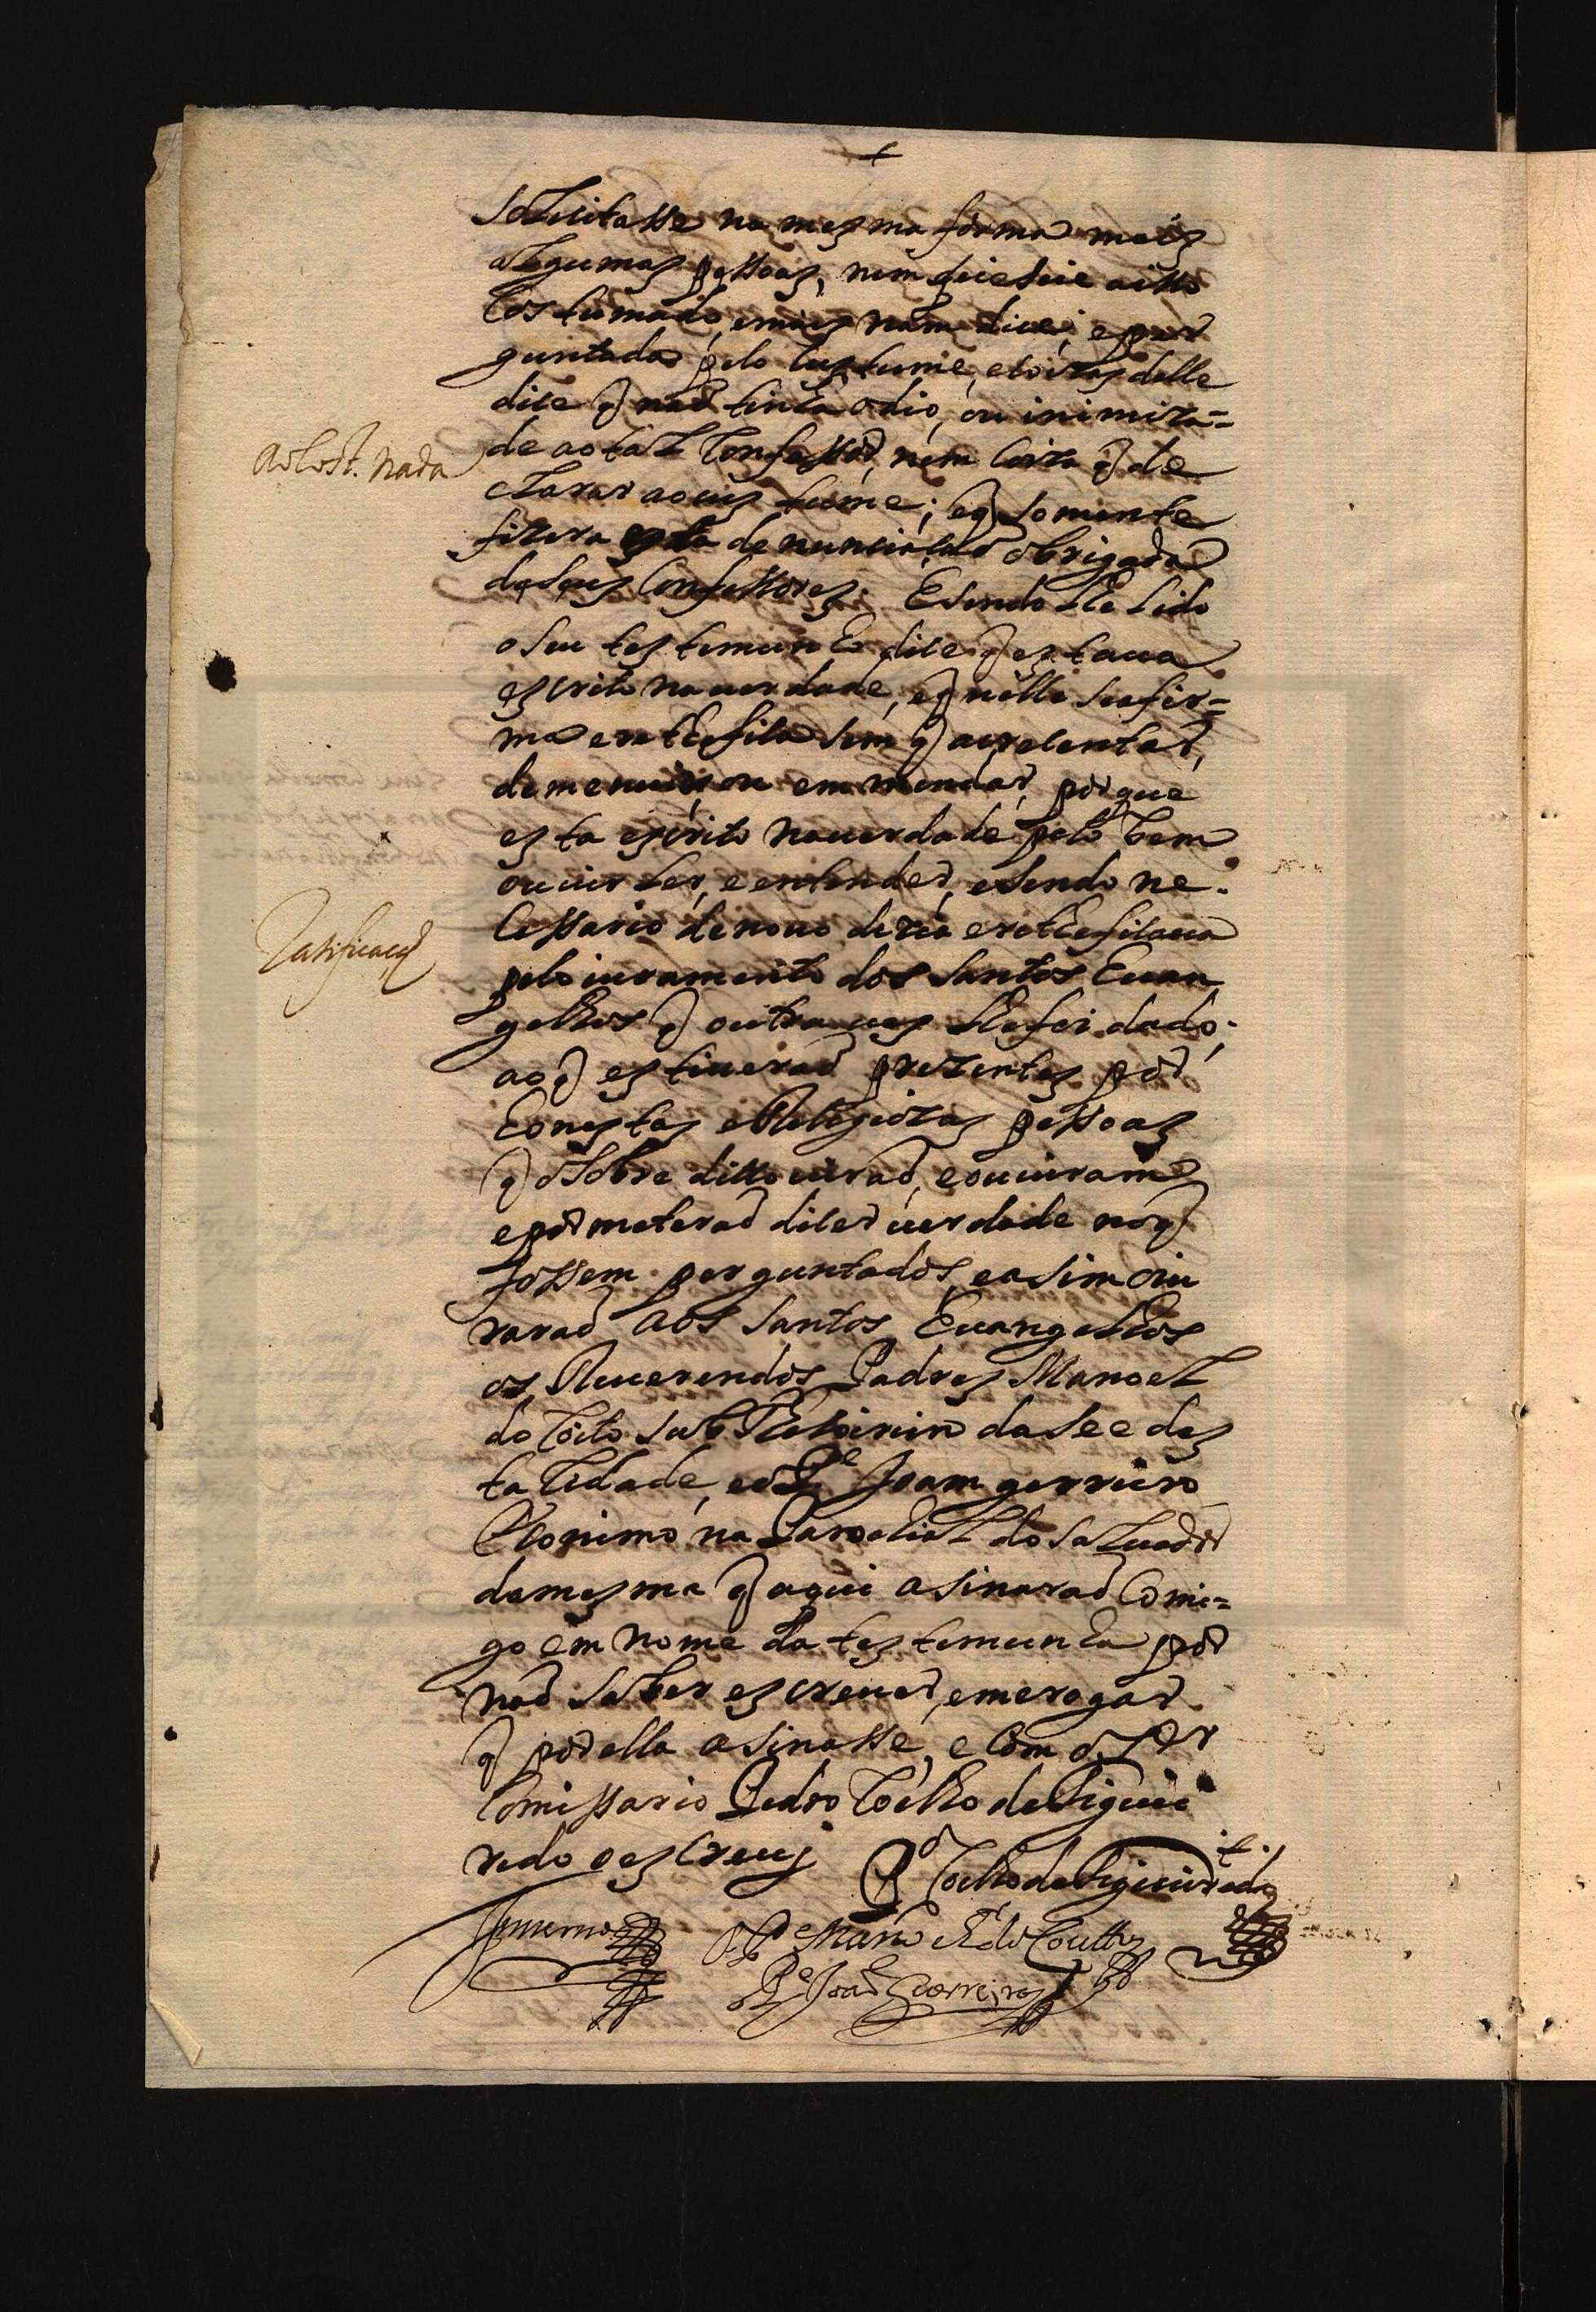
solicitasse na mezma forma maiz
algumaz pessoaz, nem que seia a isso
costumado, e maiz nam dice, e per
guntada pelo custume, e coizaz delle
dice q̄ naõ tinha odio, ou inimiza
de ao tal Confessor, nem coiza q̄ de
ao Cost. nada
cLarar ao cuztume; e q̄ somente
fizera esta denunciaçaõ obrigada
de Seuz Confessorez. E sendo lhe lido
o seu teztemunho E o dice q̄ eztaua
ezcrito na uerdade, e q̄ nelle se afir
ma e rathefica sem q̄ acrecentar,
demenuir, ou emmendar, porque
ezta ezcrito na uerdade pelo bem
ouuir ler, e entender, e sendo ne
Cessario de nouo dezia e ratheficaua
Ratificaçā
pelo iuramento dos Santos Euan
gelhos q̄ outra uez lhe foi dado;
ao q̄ estiueraõ prezentez por
honeztaz e Relegiozaz pessoaz
q̄ o sobreditto uiraõ, e ouuiram
e pormeteraõ dicer uerdade no q̄
fossem perguntados, e asim o iu
raraõ aos Santos Euangelhos
os Reuerendos Padrez ManoeL
do Coito sub Thesoireiro da See dez
ta Cidade, e o Pe Joam gerreiro
Econimo na Parochial do Saluador
da mezma q̄ aqui asinaraõ Comi
go em nome da teztemunha por
naõ saber ezcreuer, e me rogar
q̄ por ella asinasse, e com o Sor
Comissario Pedro Coelho de Figuei
redo o ezcreuj
Po Coelho de Figueiredo
Jnuerno
O Pe Manoel do Coutto
o Pe Joaõ Guerreiro
